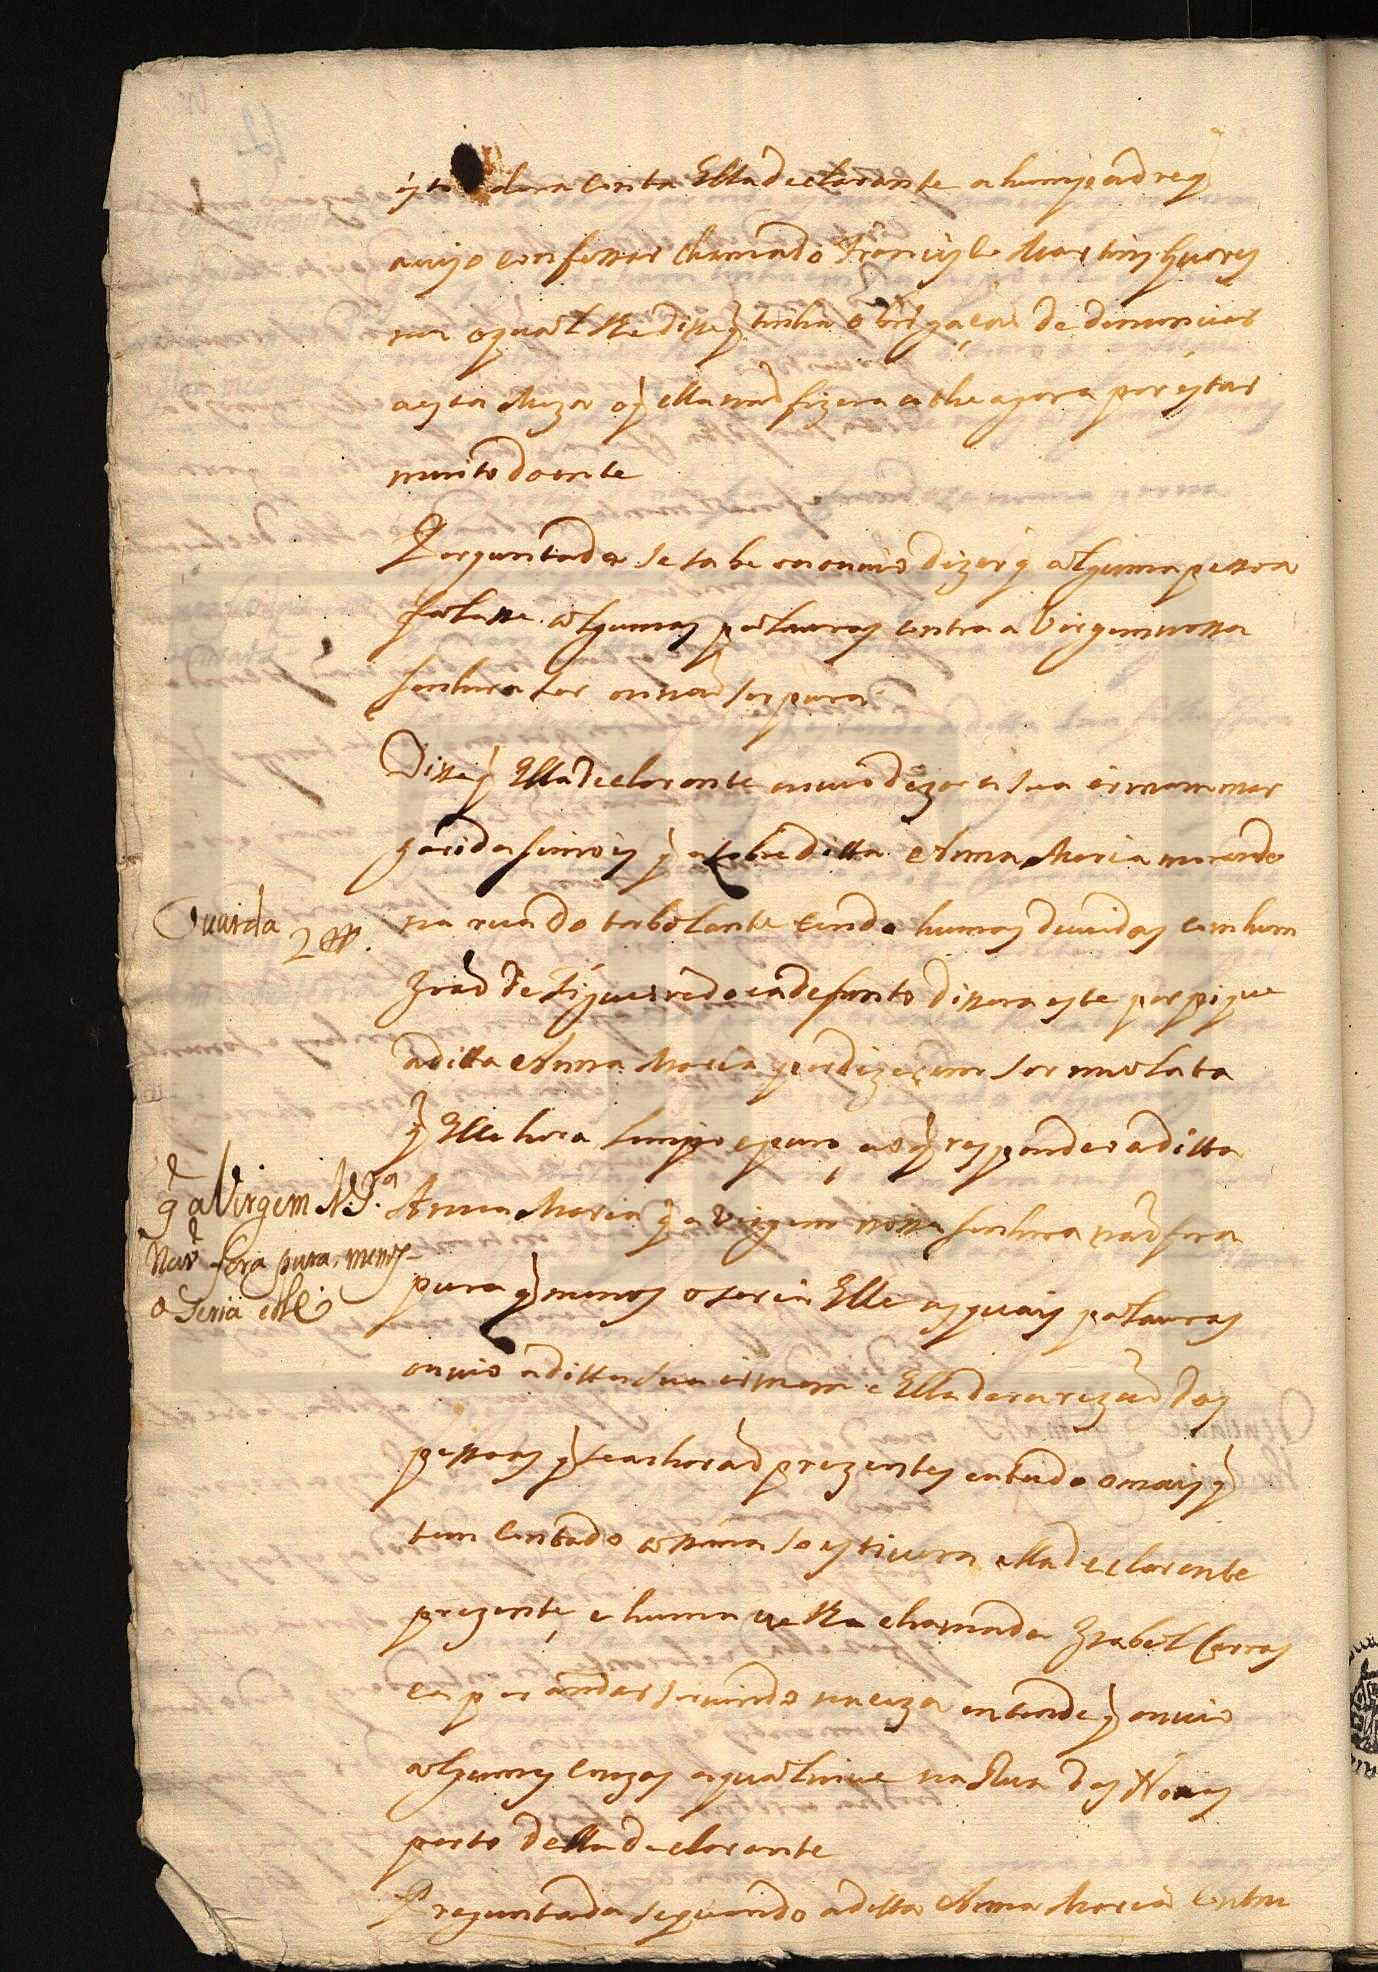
isto dara conta Ella declarante a hum padre q̄
a ujo confessar chamado Francisco Martins Quores
ma o qual lhe disse q̄ tinha obrigaçaõ de denunciar
a esta Meza o q̄ ella naõ fizera athe agora por estar
muito doente
Perguntada se sabe ou ouuio dizer q̄ alguma pessoa
falasse algumas palauras contra a Virgem nossa
Senhora ser ou naõ ser pura
Disse q̄ Ella declarante ouuio dizer a sua irmam mar
garida simois q̄ a sobreditta Anna Maria morando
na rua do torbolante tendo humas duuidas com hum
Joaõ de Figueiredo ia defunto dissera este por pique
a ditta Anna Maria por dizerem ser molata
q̄ Elle hera limpo e puro, ao q̄ respondeo a ditta
Anna Maria q̄ a Virgem nossa Senhora naõ fora
pura q̄ menos o seria Elle as quais palauras
ouvio a ditta sua irmam e Ella dera rezaõ das
pessoas q̄ se as heraõ prezentes en tudo o mais q̄
tem contado assima so estiuera ella declarante
prezente, e huma uelha chamada Jzabel Carras
ca por andar servindo na caza entende q̄ ouvio
algumas cousas a qual viue na Rua das Noras
perto della declarante
Preguntada se quando a ditta Anna Maria contou
